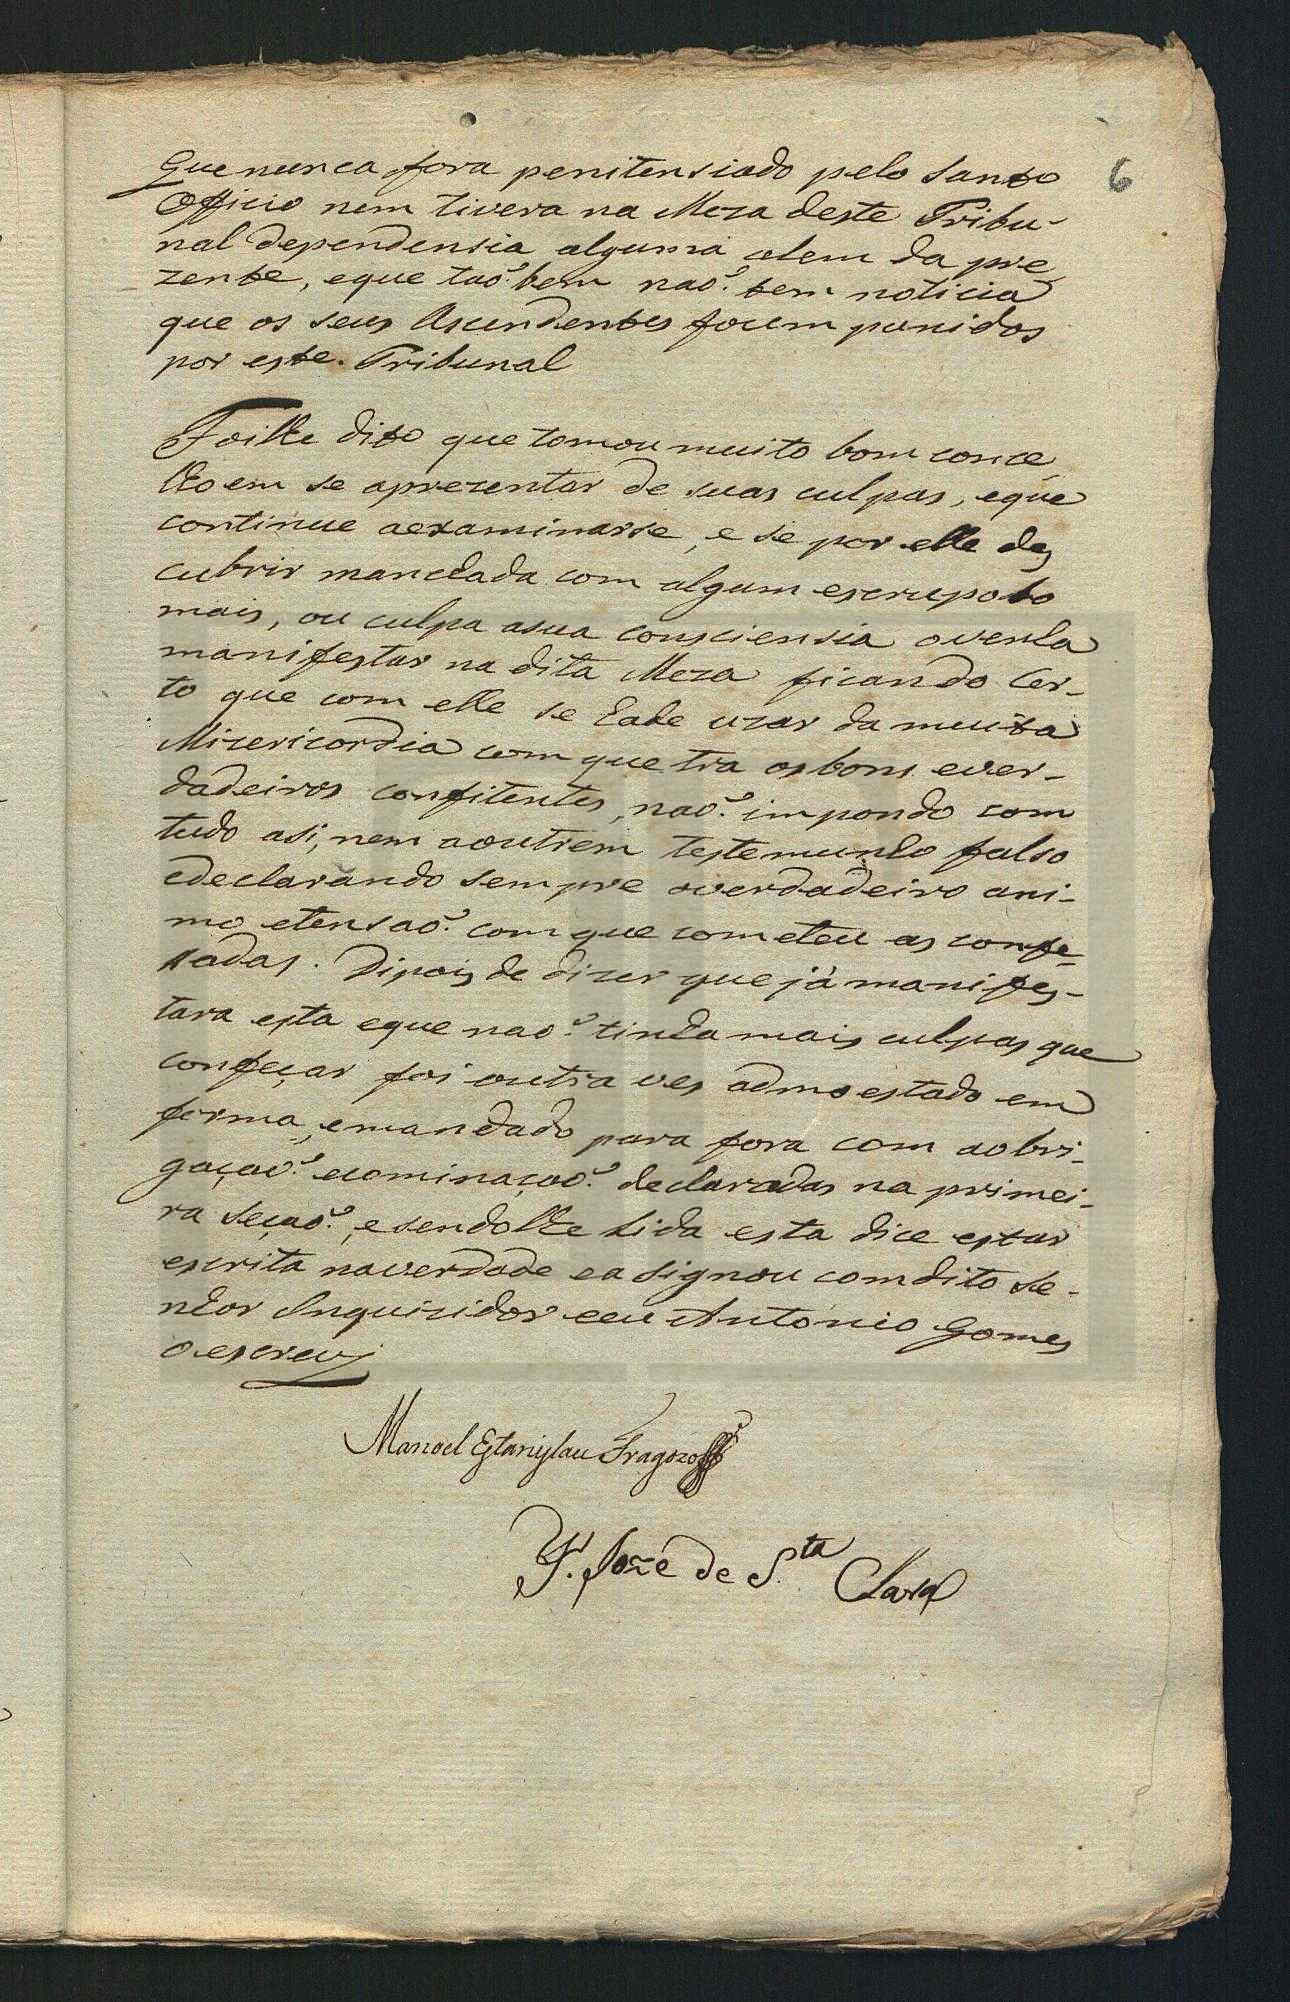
Que nunca fora penitensiado pelo santo
Officio nem tivera na Meza deste Tribu
nal dependensia alguma alem da pre
zente, e que taõbem naõ tem noticia
que os seus ascendentes focem punidos
por este Tribunal
Foilhe dito que tomou muito bom conce
lho em se aprezentar de suas culpas, e que
continue a examinarse, e se por elle des
cubrir manchada com algum escrupolo
mais, ou culpa a sua consciensia o venha
manifestar na dita Meza ficando cer
to que com elle se ha de uzar da muita
Mizericordia com que tra os bons e ver
dadeiros confitentes, naõ impondo com
tudo a si, nem a outrem testemunho falso
e declarando sempre o verdadeiro ani
mo e tensaõ com que cometeu as comfe
ssadas. Dipois de dizer que já manifes
tara esta e que naõ tinha mais culpas que
confeçar foi outra ves admoestado em
forma e mandado para fora com a obri
gaçaõ e cominaçaõ declaradas na primei
ra seçaõ, e sendolhe Lida esta dice estar
escrita na verdade e asignou com dito se
nhor Inquizidor e eu Antonio Gomes
o escreuj
Manoel Estanislau Fragozo
F.r Joze de S.ta Clara
